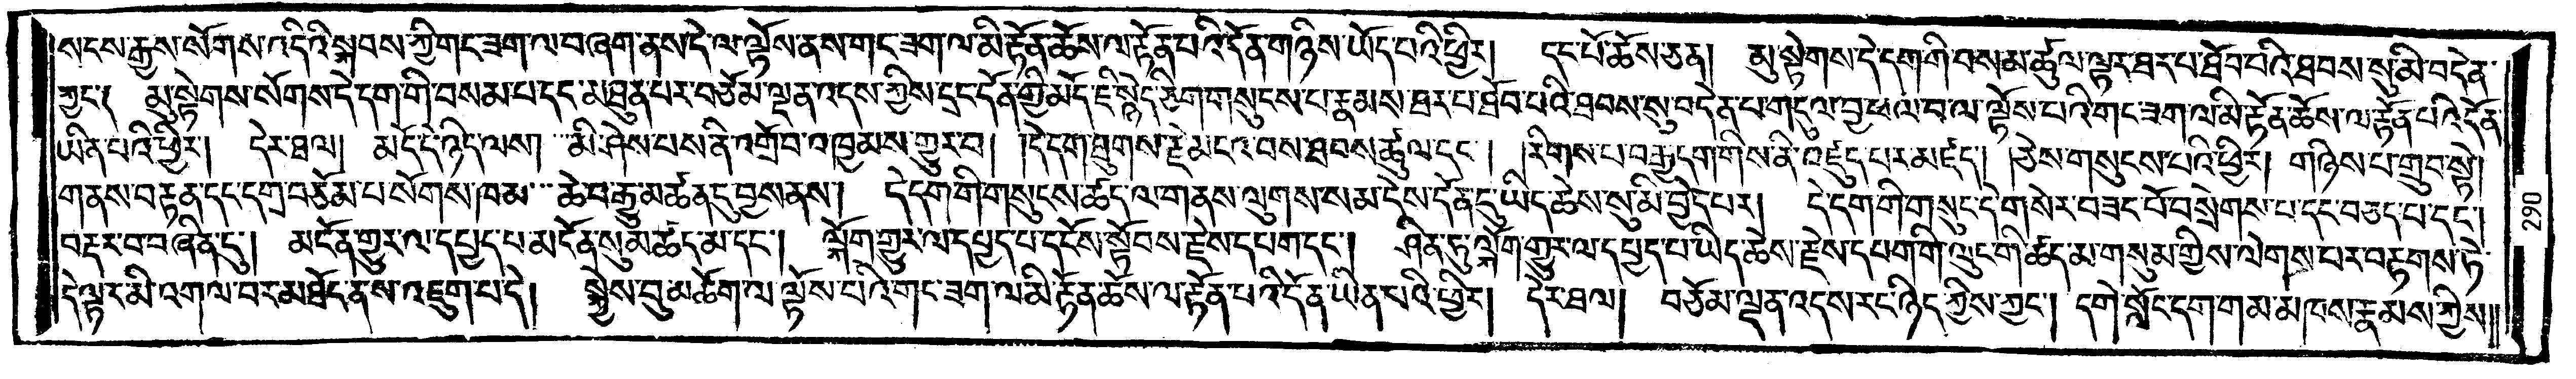སངས་རྒྱས་སོགས་འདིའི་སྐབས་ཀྱི་གང་ཟག་ལ་བཞག་ནས་དེ་ལ་ལྟོས་ནས་གང་ཟག་ལ་མི་རྟོན་ཆོས་ལ་རྟོན་པའི་དོན་གཉིས་ཡོད་པའི་ཕྱིར། དང་པོ་ཆོས་ཅན། མུ་སྟེགས་དེ་དག་གི་བསམ་ཚུལ་ལྟར་ཐར་པ་ཐོབ་པའི་ཐབས་སུ་མི་བདེན་
ཀྱང༑ མུ་སྟེགས་སོགས་དེ་དག་གི་བསམ་པ་དང་མཐུན་པར་བཅོམ་ལྡན་འདས་ཀྱིས་དྲང་དོན་གྱི་མདོ་ཇི་སྙེད་ཅིག་གསུངས་པ་རྣམས་ཐར་པ་ཐོབ་པའི་ཐབས་སུ་བདེན་པ་གདུལ་བྱ་ཕལ་བ་ལ་ལྟོས་པའི་གང་ཟག་ལ་མི་རྟོན་ཆོས་ལ་རྟོན་པའི་དོན་
ཡིན་པའི་ཕྱིར། དེར་ཐལ། མདོ་དེ་ཉིད་ལས། མི་ཤེས་པས་ནི་འགྲོ་བ་འཁྱམས་གྱུར་བ། །དེ་དག་ཐུགས་རྗེ་མངའ་བས་ཐབས་ཚུལ་དང་། །རིགས་པ་བརྒྱ་དག་གིས་ནི་འཛུད་པར་མཛད། །ཅེས་གསུངས་པའི་ཕྱིར། གཉིས་པ་གྲུབ་སྟེ།
གནས་བརྟན་དང་དགྲ་བཅོམ་པ་སོགས་ཁམ་ཆེ་བ་རྒྱུ་མཚན་དུ་བྱས་ནས། དེ་དག་གི་གསུངས་ཚད་ལ་གནས་ལུགས་སམ་ངེས་དོན་དུ་ཡིད་ཆེས་སུ་མི་བྱེད་པར། དེ་དག་གི་གསུང་དེ་གསེར་བཟང་པོ་བསྲེགས་པ་དང་བཅད་པ་དང་།
བརྡར་བ་བཞིན་དུ། མངོན་གྱུར་ལ་དཔྱད་པ་མངོན་སུམ་ཚད་མ་དང་། ལྐོག་གྱུར་ལ་དཔྱད་པ་དངོས་སྟོབས་རྗེས་དཔག་དང་། ཤིན་ཏུ་ལྐོག་གྱུར་ལ་དཔྱད་པ་ཡིད་ཆེས་རྗེས་དཔག་གི་ལུང་གི་ཚད་མ་གསུམ་གྱིས་ལེགས་པར་བརྟགས་ཏེ་
དེ་ལྟར་མི་འགལ་བར་མཐོང་ནས་འཇུག་པ་དེ། སྐྱེས་བུ་མཆོག་ལ་ལྟོས་པའི་གང་ཟག་ལ་མི་རྟོན་ཆོས་ལ་རྟོན་པའི་དོན་ཡིན་པའི་ཕྱིར། དེར་ཐལ། བཅོམ་ལྡན་འདས་རང་ཉིད་ཀྱིས་ཀྱང་། དགེ་སློང་དག་གམ་མཁས་རྣམས་ཀྱིས།།